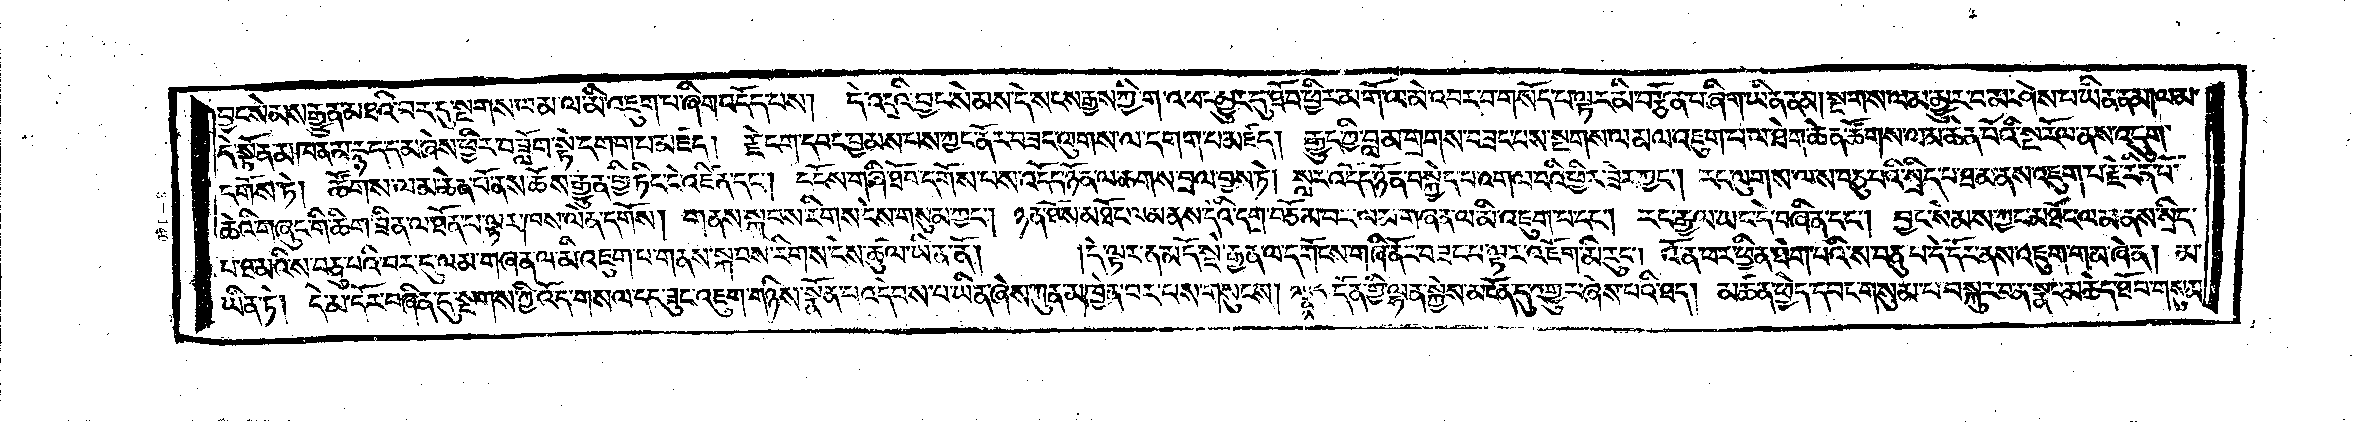བྱང་སེམས་རྒྱུན་མཐའི་བར་དུ་སྔགས་ལམ་ལ་མི་འཇུག་པ་ཞིག་འདོད་པས། དེ་འདྲའི་བྱང་སེམས་དེ་སངས་རྒྱས་ཀྱི་ག་ཕང་མྱུར་དུ་ཐོབ་ཕྱིར་མགོ་ལ་མེ་འབར་བ་གསོད་པ་ལྟར་མི་བརྩོན་པ་ཞིག་ཡིན་ནམ། སྔགས་ལམ་མྱུར་བ་མ་ཤེས་པ་ཡིན་ནམ།
དེ་སྟོན་མཁན་མ་རྙེད་དམ་ཞེས་ཕྱིར་བཟློག་སྟེ་དགག་པ་མཛད། རྗེ་ངག་དབང་བྱམས་པས་ཀྱང་ནོར་བཟང་ལུགས་ལ་དག་པ་མཛད། རྒྱུད་ཀྱི་བླ་མ་གྲགས་བཟང་པས་སྔགས་ལམ་ལ་འཇུག་པ་ལ་ཐེག་ཆེན་ཚོགས་ལམ་ཆེན་པོའི་སྔ་རོལ་ནས་འདུག་
དགོས་ཏེ། ཚོགས་ལམ་ཆེན་པོ་ནས་ཆོས་རྒྱུན་གྱི་ཏིང་ངེ་འཛིན་དང་། དངོས་གཞི་ཐོབ་དགོས་པས་འདོད་ཉོན་ལ་ཆགས་བྲལ་བྱས་ཏེ། སླར་འདོད་ཉོན་བསྐྱེད་པ་འགལ་བའི་ཕྱིར་ཟེར་ཀྱང་། རང་ལུགས་ལས་བཅུ་པའི་སྲིད་པ་ཐ་མ་ནས་འཇུག་པ་རྗེ་རིན་པོ་
ཆེའི་གཞུང་གི་ཆིག་ཟིན་ལ་ཐོན་པ་ལྟར་ཁས་ལེན་དགོས། གནས་སྐབས་རིགས་ངེས་གསུམ་ཀྱང་། ཉན་ཐོས་མཐོང་ལམ་ནས་དེའི་དགྲ་བཅོམ་བར་ལམ་གཞན་ལ་མི་འཇུག་པ་དང་། རང་རྒྱལ་ཡང་དེ་བཞིན་དང་། བྱང་སེམས་ཀྱང་མཐོང་ལམ་ནས་སྲིད་
པ་ཐ་མའི་ས་བཅུ་པའི་བར་དུ་ལམ་གཞན་ལ་མི་འཇུག་པ་གནས་སྐབས་རིགས་ངེས་ཚུལ་ཡིན་ནོ། །དེ་ལྟར་ན་མདོ་སྡེ་རྒྱན་ལ་དགོངས་གཞི་ནོར་བཟང་པ་ལྟར་འཇོག་མི་རུང་། འོ་ན་ཕར་ཕྱིན་ཐེག་པའི་ས་བཅུ་པ་དེ་དོར་ནས་འཇུག་གམ་ཞེ་ན། མ་
ཡིན་ཏེ། དེ་མ་དོར་བཞིན་དུ་སྔགས་ཀྱི་འོད་གསལ་དང་ཟུང་འཇུག་གཉིས་སྣོན་པ་འདེབས་པ་ཡིན་ཞེས་ཀུན་མཁྱེན་བར་པས་གསུངས། ༢༥༨ན༢་དོན་གྱི་ལྷན་སྐྱེས་མངོན་དུ་འགྱུར་ཞེས་པའི་ཐད། མཚན་ཕྱེད་དབང་གསུམ་པ་བསྐྱུར་བ་ན་སྣང་མཆོད་ཐོབ་གསུམ་